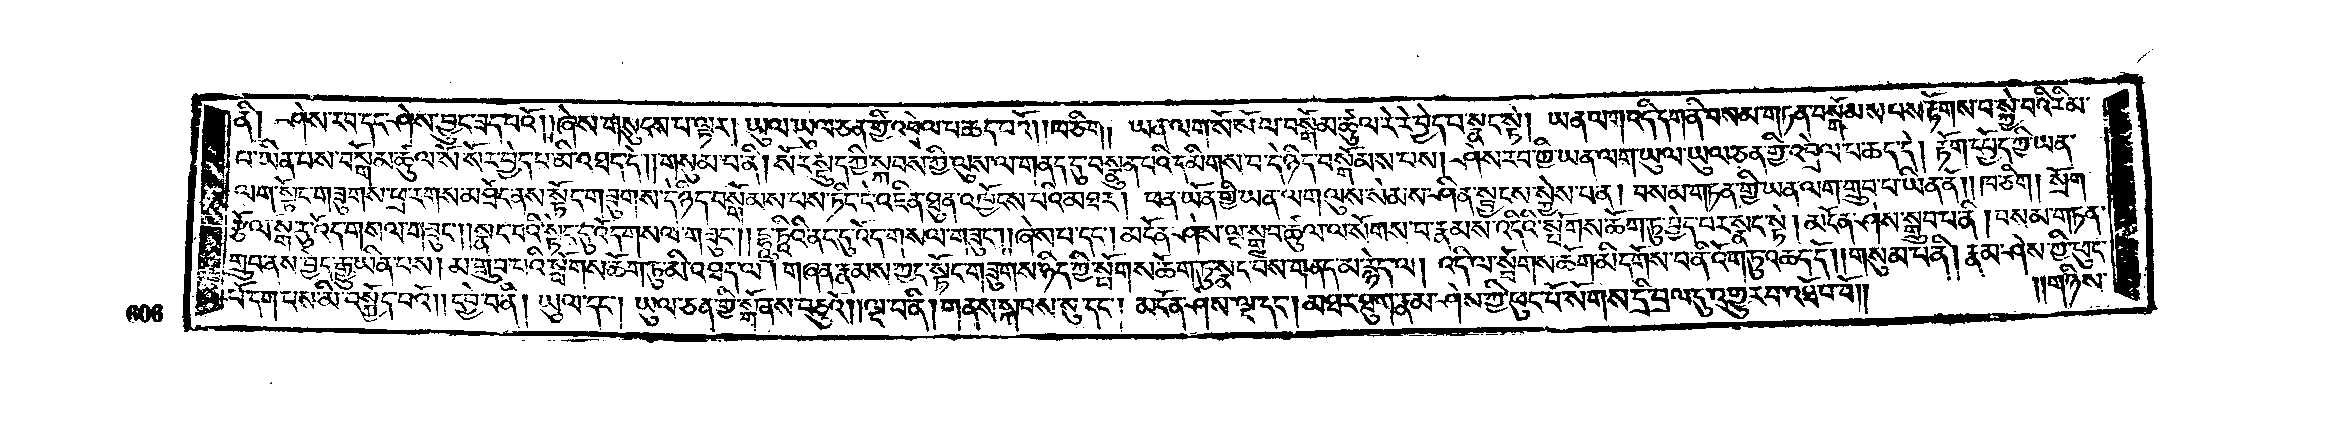ནི། ཤེས་རབ་དང་ཤེས་བྱུང་ཟད་པའོ། །ཞེས་གསུངས་པ་ལྟར། ཡུལ་ཡུལ་ཅན་གྱི་འབྲེལ་པ་ཆད་པའོ། །ཁ་ཅིག །ཡན་ལག་སོ་སོ་ལ་བསྒོམ་ཚུལ་རེ་རེ་བྱེད་པ་སྣང་སྟེ། ཡན་ལག་འདི་དག་ནི་བསམ་གཏན་བསྒོམས་པས་རྟོགས་བསྐྱེ་བའི་རིམ་
པ་ཡིན་པས་བསྒོམ་ཚུལ་སོ་སོར་བྱེད་པ་མི་འཐད་དོ། །གསུམ་པ་ནི། སོར་སྡུད་ཀྱི་སྐབས་ཀྱི་ལུས་ལ་གནད་དུ་བསྣུན་པའི་དམིགས་པ་དེ་ཉིད་བསྒོམས་པས། ཤེས་རབ་ཀྱི་ཡན་ལག་ཡུལ་ཡུལ་ཅན་གྱི་འབྲེལ་པ་ཆད་དེ། རྟོག་དཔྱོད་ཀྱི་ཡན་
ལག་སྟེང་གཟུགས་ཕྲ་རགས་མཐོང་ནས་སྟོང་གཟུགས་དེ་ཉིད་བསྒོམས་པས་ཏིང་ངེ་འཛིན་ཐུན་འཁྱོངས་པའི་མཐར། ཕན་ཡོན་གྱི་ཡན་ལག་ལུས་སེམས་ཤིན་སྦྱངས་སྐྱེས་པ་ན། བསམ་གཏན་གྱི་ཡན་ལག་གྲུབ་པ་ཡིན་ནོ། །ཁ་ཅིག །སྲོག་
རྩོལ་སྒོ་རུ་འོད་གསལ་གཟུང་། །སྣང་བའི་སྟེང་དུ་འོད་གསལ་གཟུང་། །དྷཱུ་ཏཱིའི་ནང་དུ་འོད་གསལ་གཟུང་། །ཞེས་པ་དང་། མངོན་ཤེས་ལྔ་སྒྲུབ་ཚུལ་ལ་སོགས་པ་རྣམས་འདིའི་སྤོགས་ཆོག་ཏུ་བྱེད་པར་སྣང་སྟེ། མངོན་ཤེས་སྒྲུབ་པ་ནི། བསམ་གཏན་
གྲུབ་ནས་བྱེད་རྒྱུ་ཡིན་པས། མ་གྲུབ་པའི་སྤོགས་ཆོག་ཏུ་མི་འཐད་ལ། གཞན་རྣམས་ཀྱང་སྟོང་གཟུགས་ཉིད་ཀྱི་སྤོགས་ཆོག་ཏུ་སྣང་བས་གནད་མ་རྙེད་ལ། འདི་ལ་སྤོགས་ཆོག་མི་དགོས་པ་ནི་འོག་ཏུ་འཆད་དོ། །གསུམ་པ་ནི། རྣམ་ཤེས་ཀྱི་ཕུང་
པོ་དག་པས་མི་བསྐྱོད་པའོ། །དབྱེ་བ་ནི། ཡུལ་དང་། ཡུལ་ཅན་གྱི་སྒོ་ནས་བཅུའོ། །ལྔ་པ་ནི། གནས་སྐབས་སུ་དང་། མངོན་ཤེས་ལྔ་དང་། མཐར་ཐུག་རྣམ་ཤེས་ཀྱི་ཕུང་པོ་སོགས་དྲི་བྲལ་དུ་འགྱུར་པ་འཐོབ་བོ།། །།གཉིས་